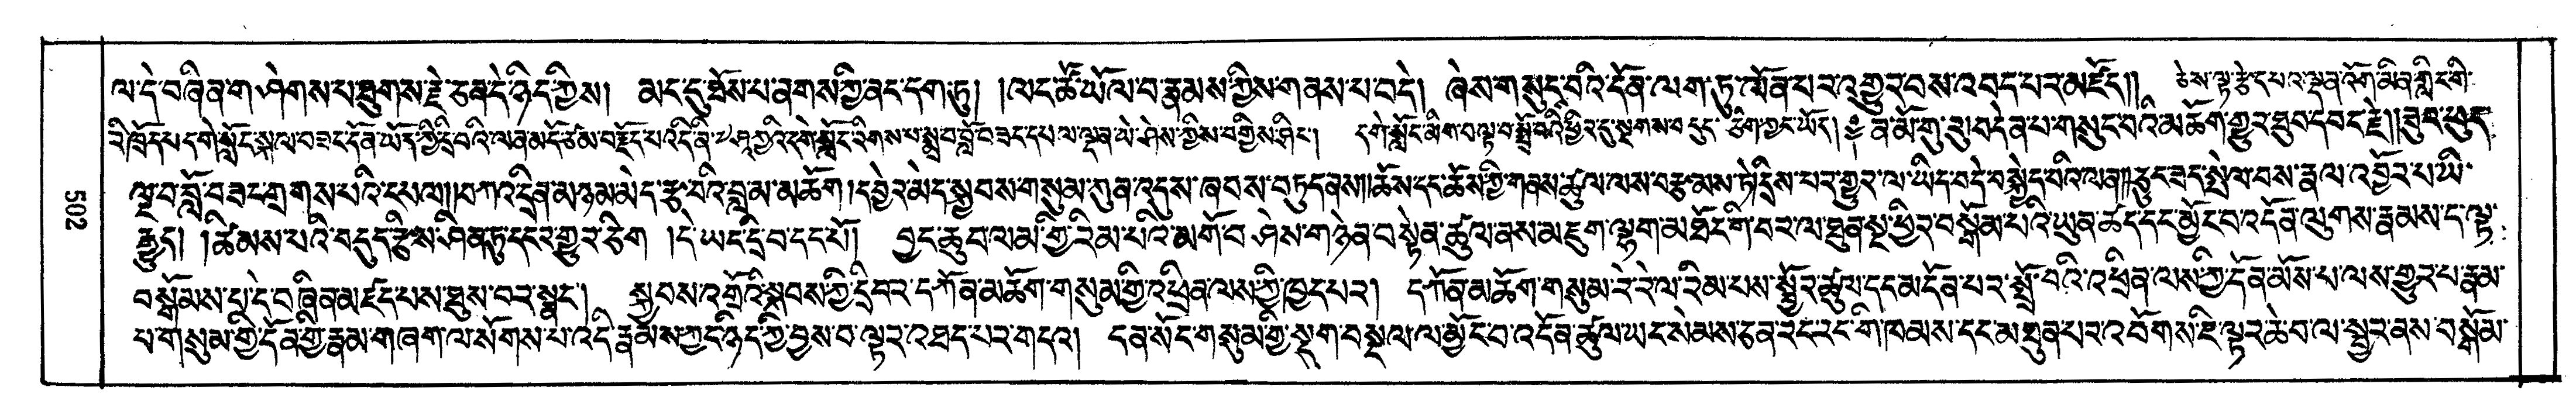ལ་དེ་བཞིན་གཤེགས་པ་ཐུགས་རྗེ་ཅན་དེ་ཉིད་ཀྱིས། མང་དུ་ཐོས་པ་ནགས་ཀྱི་ནང་དག་ཏུ། །ལང་ཚོ་ཡོལ་བ་རྣམས་ཀྱིས་གནས་པ་བདེ། ཞེས་གསུངས་པའི་དོན་ལག་ཏུ་ལོན་པར་འགྱུར་བས་འབད་པར་མཛོད།། ཅེས་ལྟ་རྩེ་དབའ་ལྡན་འོག་མིན་གླིང་གི་
རི་ཁྲོད་པ་དགེ་སློང་སྐལ་བཟང་དོན་ཡོད་ཀྱི་དྲི་བའི་ལན་མདོ་ཙམ་བརྗོད་བ་འདི་ན་༧་ཤཱཀྱའི་དགེ་སློང་རིགས་པ་སྨྲ་བ་བློ་བཟང་དཔལ་ལྡན་ཡེ་ཤེས་ཀྱིས་བགྱིས་ཤིང་། དགེ་སློང་མིག་བལྟ་བ་སྤྲོ་བའི་ཕྱིར་ཏུ་སྔགས་མདུད་ཅིག་ཀྱང་ཡོད།། ༈ ན་མོ་གུ་རུ། བདེན་པ་གསུང་བའི་མཆོག་གྱུར་ཐུབ་དབང་རྗེ། །ཟུར་ཕུད་
ལྔ་པ་བློ་བཟང་གྲགས་པའི་དཔལ། །བཀའ་དྲིན་མཉམ་མེད་རྩ་བའི་བླ་མ་མཆོག །དབྱེར་མེད་སྐྱབས་གསུམ་ཀུན་འདུས་ཞབས་བཏུད་ནས། །ཆོས་དང་ཆོས་ཀྱི་གནས་ཚུལ་ལས་བརྩམས་ཏེ། །དྲིས་པར་གྱུར་ལ་ཡིད་བདེ་བསྐྱེད་པའི་ལན། །ཅུང་ཟད་སྤེལ་བས་རྣལ་འབྱོར་པ་ཡི་
རྒྱུད། །ཚིམས་པའི་བདུད་རྩིས་ཤིན་ཏུ་དངར་གྱུར་ཅིག །དེ་ཡང་དྲི་བ་དང་པོ། བྱང་ཆུབ་ལམ་གྱི་རིམ་པའི་མགོ་བཤེས་གཉེན་བསྟེན་ཚུལ་ནས་མཇུག་ལྟག་མཐོང་གི་བར་ལ་ཐུན་སྔ་ཕྱིར་བསྒོམ་པའི་ཡུན་ཚད་དང་མྱོང་བ་འདོན་ལུགས་རྣམས་ད་ལྟ་
བསྒོམས་པ་དེ་བཞིན་མཛད་པས་ཐུས་པར་སྣང་། སྐྱབས་འགྲོའི་སྐབས་ཀྱི་དྲི་བར་དཀོན་མཆོག་གསུམ་གྱི་འཕྲིན་ལས་ཀྱི་ཁྱད་པར། དཀོན་མཆོག་གསུམ་རེ་རེལ་རིམ་པས་སྦྱོར་ཚུལ་དང་མངོན་པར་སྤྲོ་བའི་འཕྲིན་ལས་ཀྱི་དོན་མོས་པ་ལས་གྱུར་པ་རྣམ་
པ་གསུམ་གྱི་དོན་གྱི་རྣམ་གཞག་ལ་སོགས་པ་འདི་རྣམས་ཀྱང་ཉིད་ཀྱི་བྱས་པ་ལྟར་འཐད་པར་གདའ། ངན་སོང་གསུམ་གྱི་སྡུག་བསྔལ་ལ་མྱོང་བ་འདོན་ཚུལ་ཡང་སེམས་ཅན་རང་རང་གི་ཁམས་དང་མཐུན་པར་འབོགས་ཇི་ལྟར་ཆེ་བ་ལ་སྦྱར་ནས་བསྒོམ་